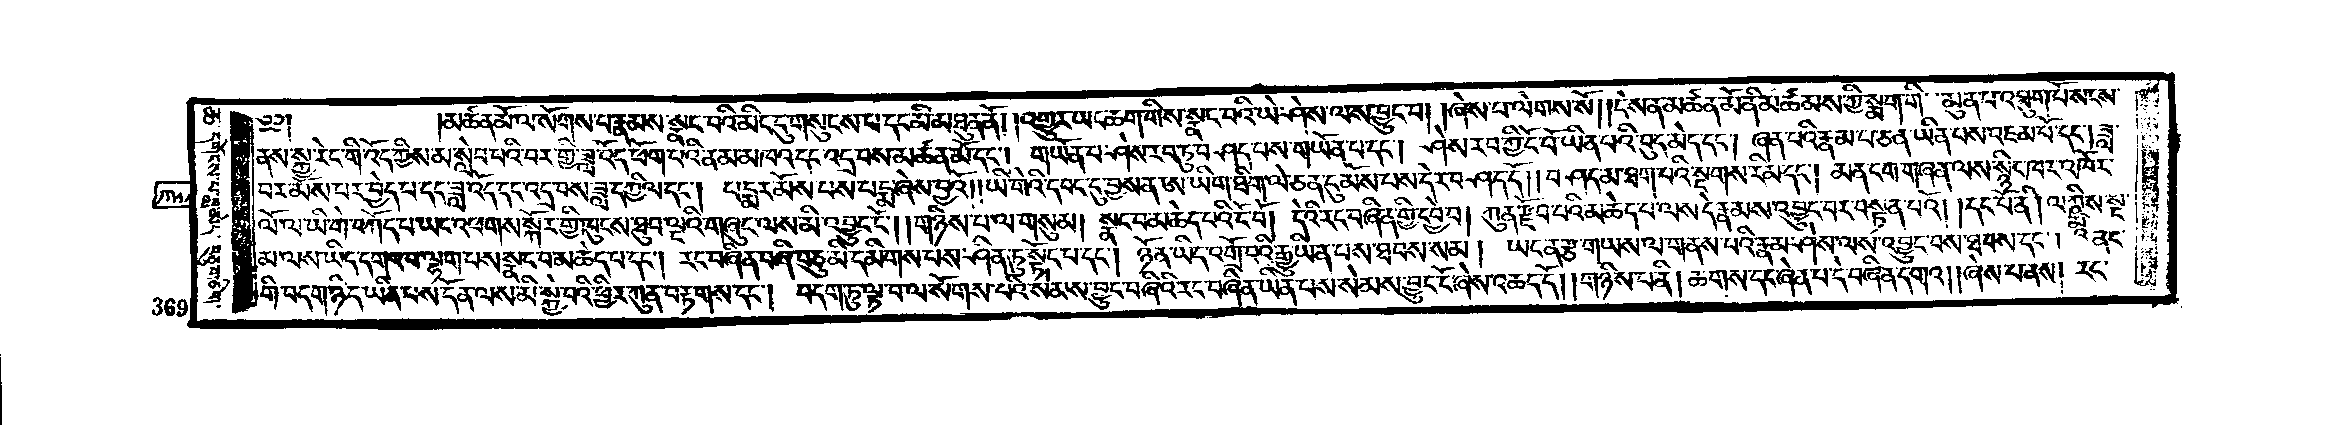༄༅། །མཚན་མོ་ལ་སོགས་པ་རྣམས་སྣང་བའི་མིང་དུ་གསུངས་པ་དང་མི་མཐུན་ནོ། །འགྱུར་ཡང་ཆག་གིས་སྣང་བའི་ཡེ་ཤེས་ལས་བྱུང་བ། །ཞེས་པ་ལེགས་སོ། །དེས་ན་མཚན་མོ་ནི་མཚམས་ཀྱི་སྨག་གི་མུན་པ་འཐུག་པོ་སངས་
ནས་སྐྱེ་རིང་གི་འོད་ཀྱིས་མ་སླེབ་པའི་བར་གྱི་ཟླ་འོད་ཕོག་པའི་ནམ་མཁའ་དང་འདྲ་བས་མཚན་མོ་དང་། གཡོན་པ་ཤེས་རབ་ཏུ་བཤད་པས་གཡོན་པ་དང་། ཤེས་རབ་ཀྱི་ངོ་བོ་ཡིན་པའི་བུད་མེད་དང་། ཞན་པའི་རྣམ་པ་ཅན་ཡིན་པས་འཇམ་པོ་དང་། ཟླ་
བར་མོས་པར་བྱེད་པ་དང་ཟླ་འོད་དང་འདྲ་བས་ཟླ་དཀྱིལ་དང་། པདམར་མོས་པས་པདམ་ཞེས་བྱའོ། །ཡི་གེའི་དབང་དུ་བྱས་ན་ཨ་ཡིག་ཐིག་ལེ་ཅན་དུ་མོས་པས་དེར་བཤད་དོ། །བཤད་མ་ཐག་པའི་སྔགས་རིམ་དང་། མན་ངག་གཞན་ལས་སྙིང་ཁར་འཁོར་
ལོ་ལ་ཡི་གེ་བཀོད་པ་ཡང་འཕགས་སྐོར་གྱི་ཁུངས་ཐུབ་ལྔའི་གཞུང་ལས་མི་འབྱུང་ངོ། །གཉིས་པ་ལ་གསུམ། སྣང་བ་མཆེད་པའི་ངོ་བོ། དེའི་རང་བཞིན་གྱི་དབྱེ་བ། ཀུན་རྫོབ་པའི་མཆེད་པ་ལས་དེ་རྣམས་འབྱུང་བར་བསྟན་པའོ། །དང་པོ་ནི། ལཀིཥྨཱིས་སྔ་
མ་ལས་ཡིད་དགའ་བ་ལྷག་པས་སྣང་བ་མཆེད་པ་དང་། རང་བཞིན་བཞི་བཅུ་མི་དམིགས་པས་ཤིན་ཏུ་སྟོང་པ་དང་། ཉོན་ཡིད་འགྲོ་བའི་རྒྱུ་ཡིན་པས་ཐབས་སམ། ཡང་ན་རྩ་གཡས་ལ་གནས་པའི་རྣམ་ཤེས་ལས་འབྱུང་བས་ཐབས་དང་། ནང་
གི་བདག་ཉིད་ཡིན་པས་དོན་ལས་མི་སྐྱེ་བའི་ཕྱིར་ཀུན་བརྟགས་དང་། བདག་ཏུ་ལྟ་བ་ལ་སོགས་པའི་སེམས་བྱུང་བཞིའི་རང་བཞིན་ཡིན་པས་སེམས་བྱུང་ངོ་ཞེས་འཆད་དོ། །གཉིས་པ་ནི། ཆགས་དང་ཞེན་པ་དེ་བཞིན་དགའ། །ཞེས་པ་ནས། རང་